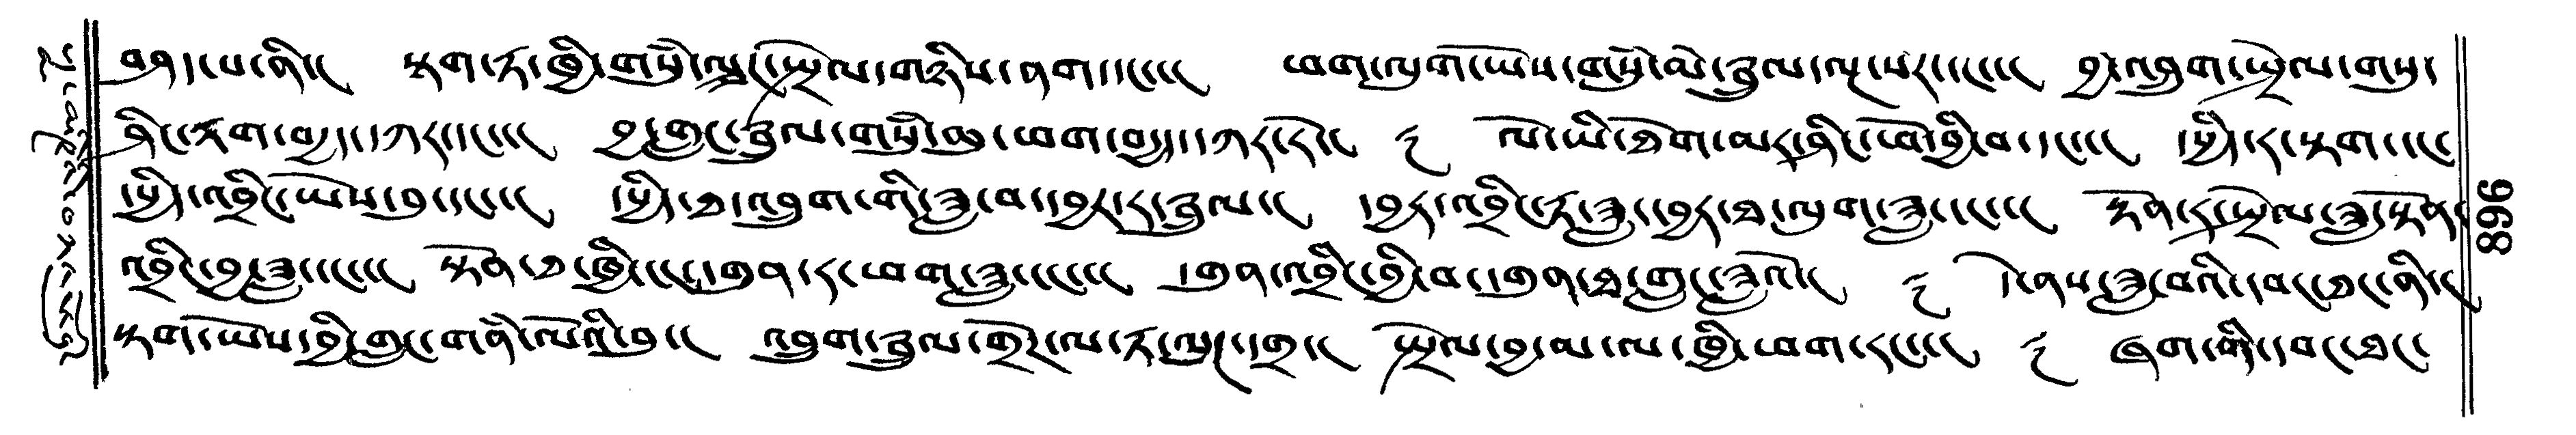བཤད་པ་ནི། །སྟག་རྟ་ཁྱི་གསུམ་ལྕགས་སྤྲེལ་གཉིས་ནག་དང་། །ཕག་ལུག་ཡོས་གསུམ་མེ་སྦྲུལ་ལྔ་སེར་དང་། །བྱ་འབྲུག་སྤྲེལ་གསུམ་
ཤིང་སྟག་བརྒྱད་དཀར་དང་། །བྱ་གླང་སྦྲུལ་གསུམ་ཆུ་ཕག་བརྒྱད་དཀར་རོ། ༈ ལོ་ཡི་ཐོག་མར་ཤིང་ཕོ་བྱི་བ་དང་། །དཔྱིད་ར་སྟག་དང་
དཔྱིད་འབྲིང་ཡོས་བུ་དང་། །དཔྱིད་ཐ་འབྲུག་གི་ཟླ་བ་དབྱར་ར་སྦྲུལ། །དབྱར་འབྲིང་རྟ་ཟླ་དབྱར་ཐ་ལུག་ཟླ་དང་། །སྟོན་ར་སྤྲེལ་ཟླ་སྟོན་
འབྲིང་བྱ་ཟླ་དང་། །སྟོན་ཐ་ཁྱི་དང་དགུན་ར་ཕག་ཟླ་དང་། །དགུན་འབྲིང་བྱི་བ་དགུན་ཐ་གླང་ཟླའོ། ༈ དེ་ནས་ཟླ་བའི་དབང་ཐང་ནི། །
སྟག་ཡོས་བྱི་གླང་གནམ་ལོའི་བུ། །འབྲུག་སྦྲུལ་གྲོགས་ལ་རྟ་ལུག་དགྲ། །སྤྲེལ་བྱ་མ་ལ་ཁྱི་ཕག་རང་། ༈ ཞག་གི་དབང་ཐང་